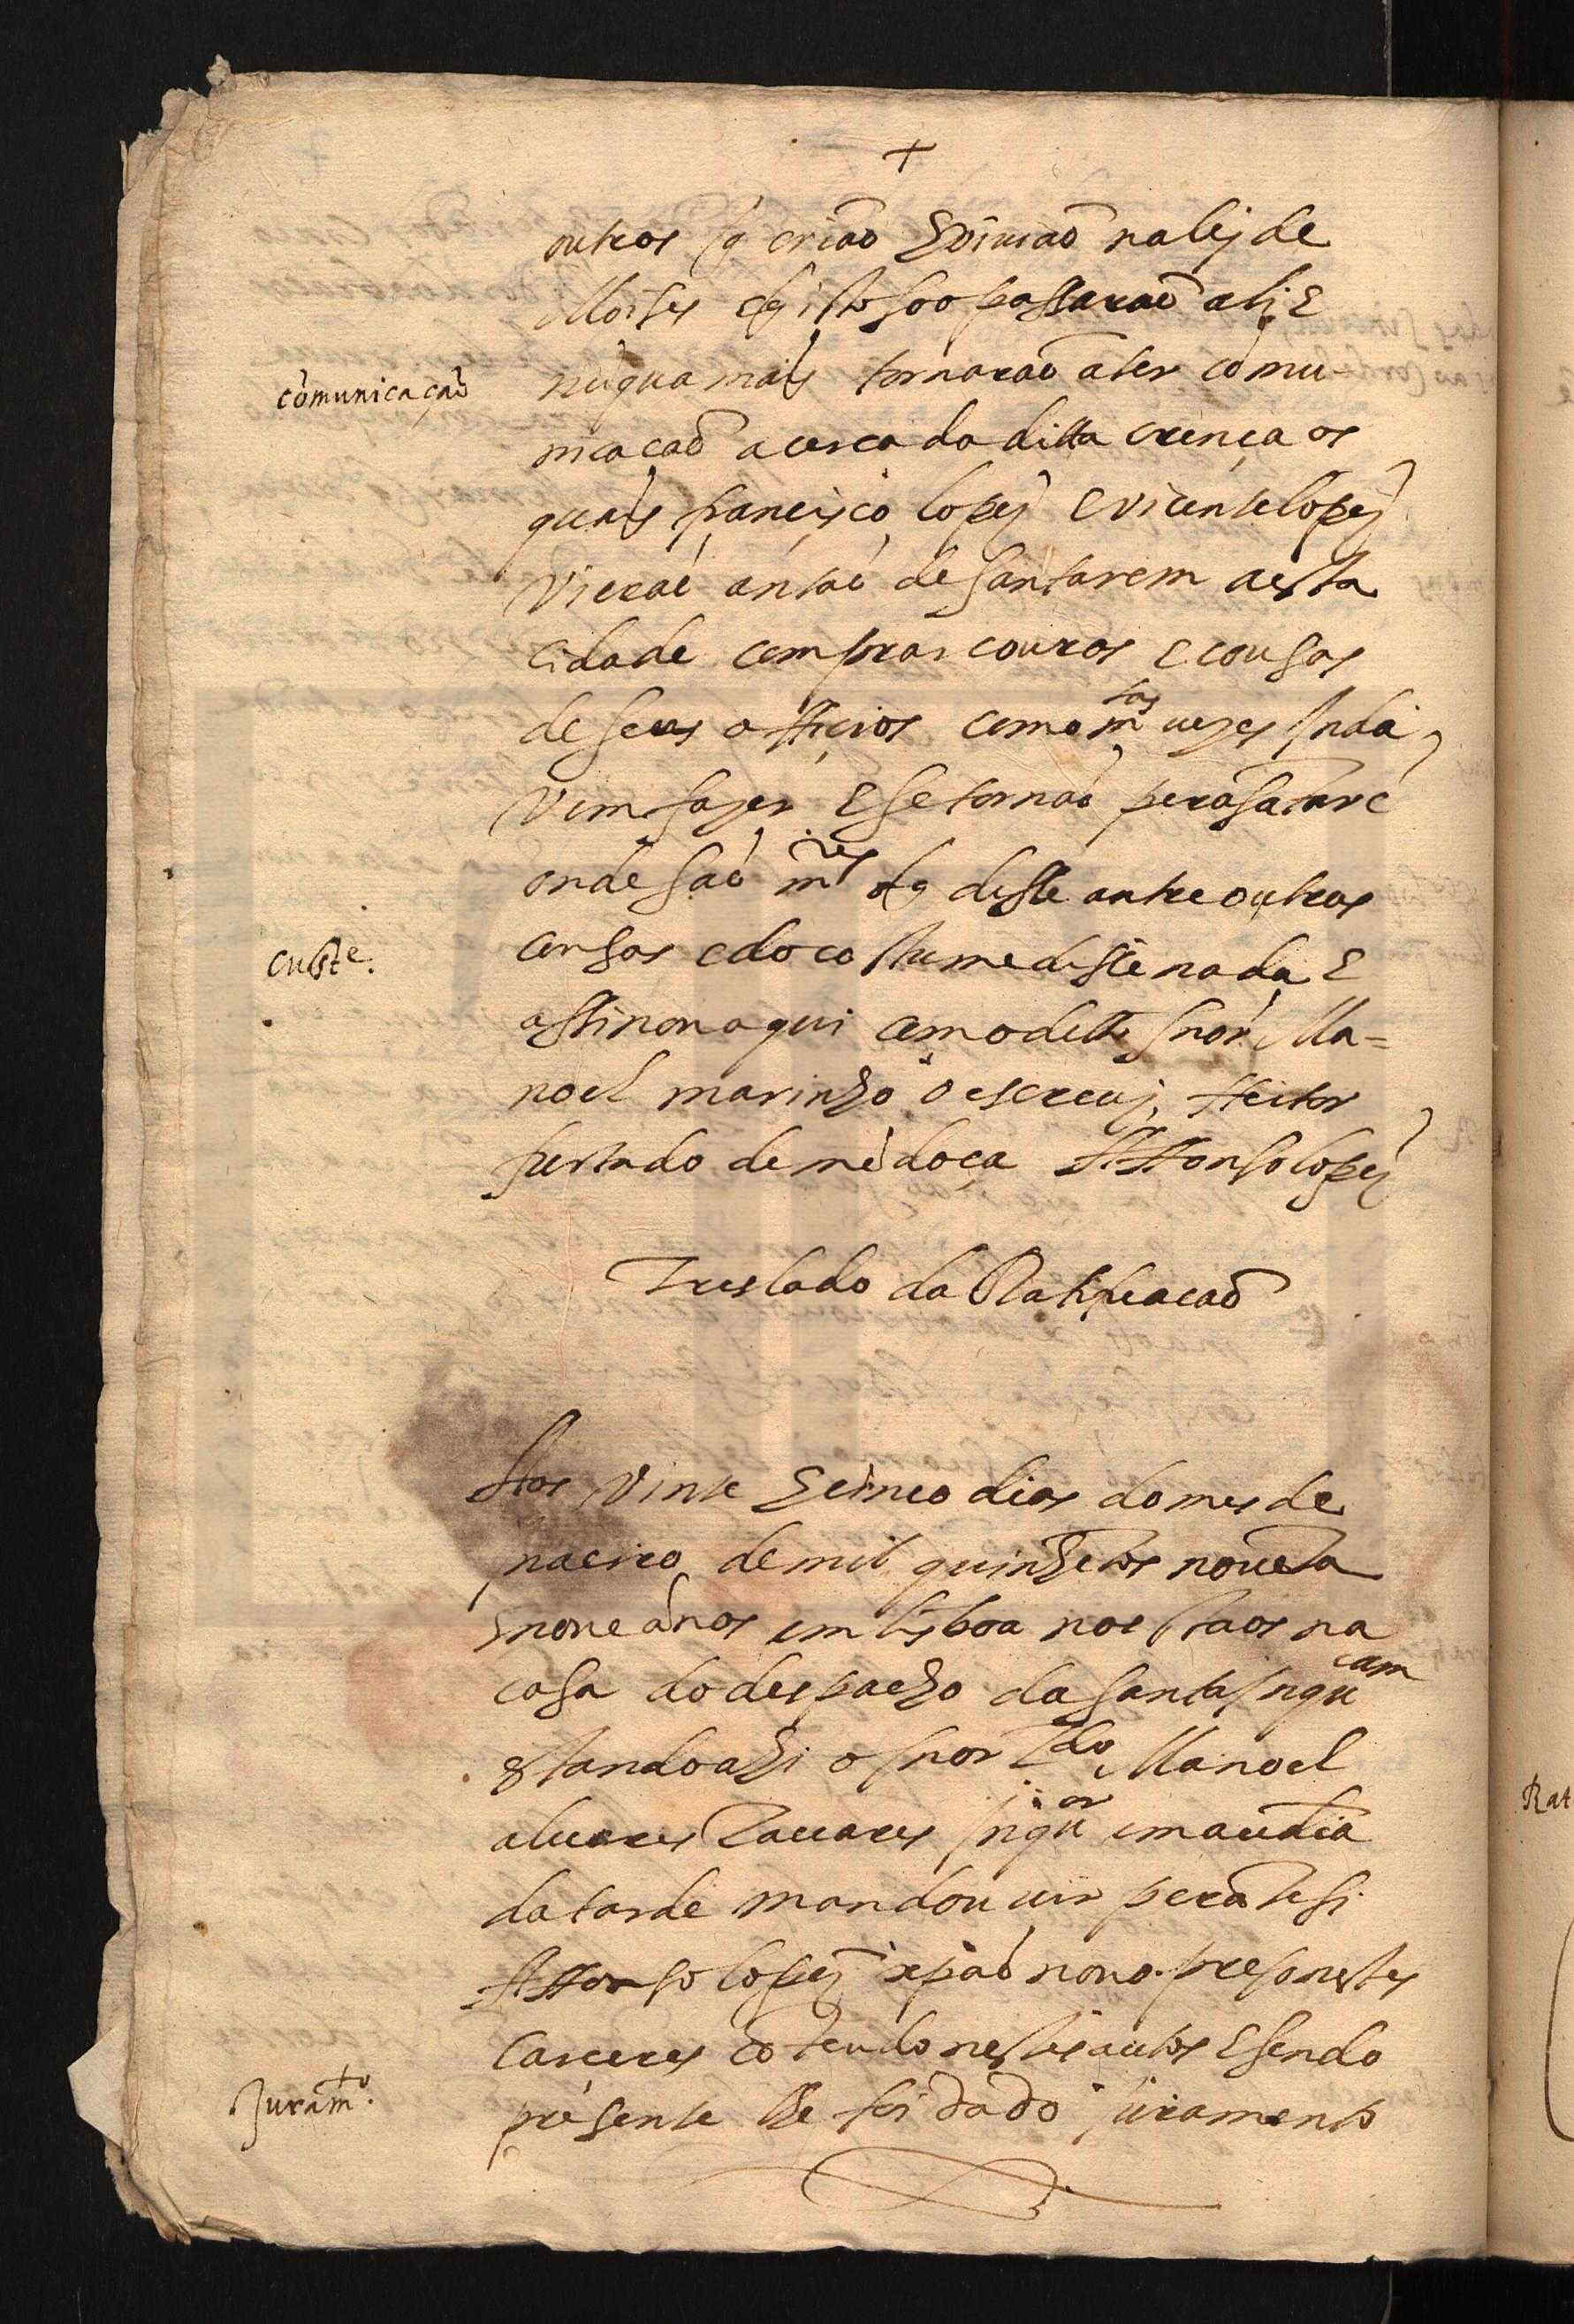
cōmunicaçaõ
custe
Jurāmto
outros q̄ crião E viuiaõ na lej de
Moises E q̄ isto soo passaraõ ali E
nūqua mais tornaraõ a ter cōmu
nicaçaõ acerca da ditta crença os
quais françisco lopez e vicente lopez
Vieraõ antaõ de Santarem a esta
cidade comprar couros E cousas
de seus offiçios como mtas vezes Jnda
Vem fazer E se tornaõ pera sātarē
onde saõ mres o q̄ disse antre outras
cousas e do costume disse nada E
assinou aqui com o ditto Snor̄ Ma
noel marinho o escreuj, Heitor
furtado de mēdoça Affonso lopez
Treslado da Ratificacaõ
Aos Vinte E cinco dias do mes de
Jnaeiro de mil quinhētos nouēta
E noue ānos em lisboa no estaos na
casa do despacho da Santa Jnqucam
estando ahi o snor Ldo Manoel
aluares Tauares Jnquor em audīa
da tarde mandou uir perāte si
Affonso lopez xpaõ nouo preso nestes
Carçeres cōteudo nestes autos E sendo
presente lhe foi dado Juramento
